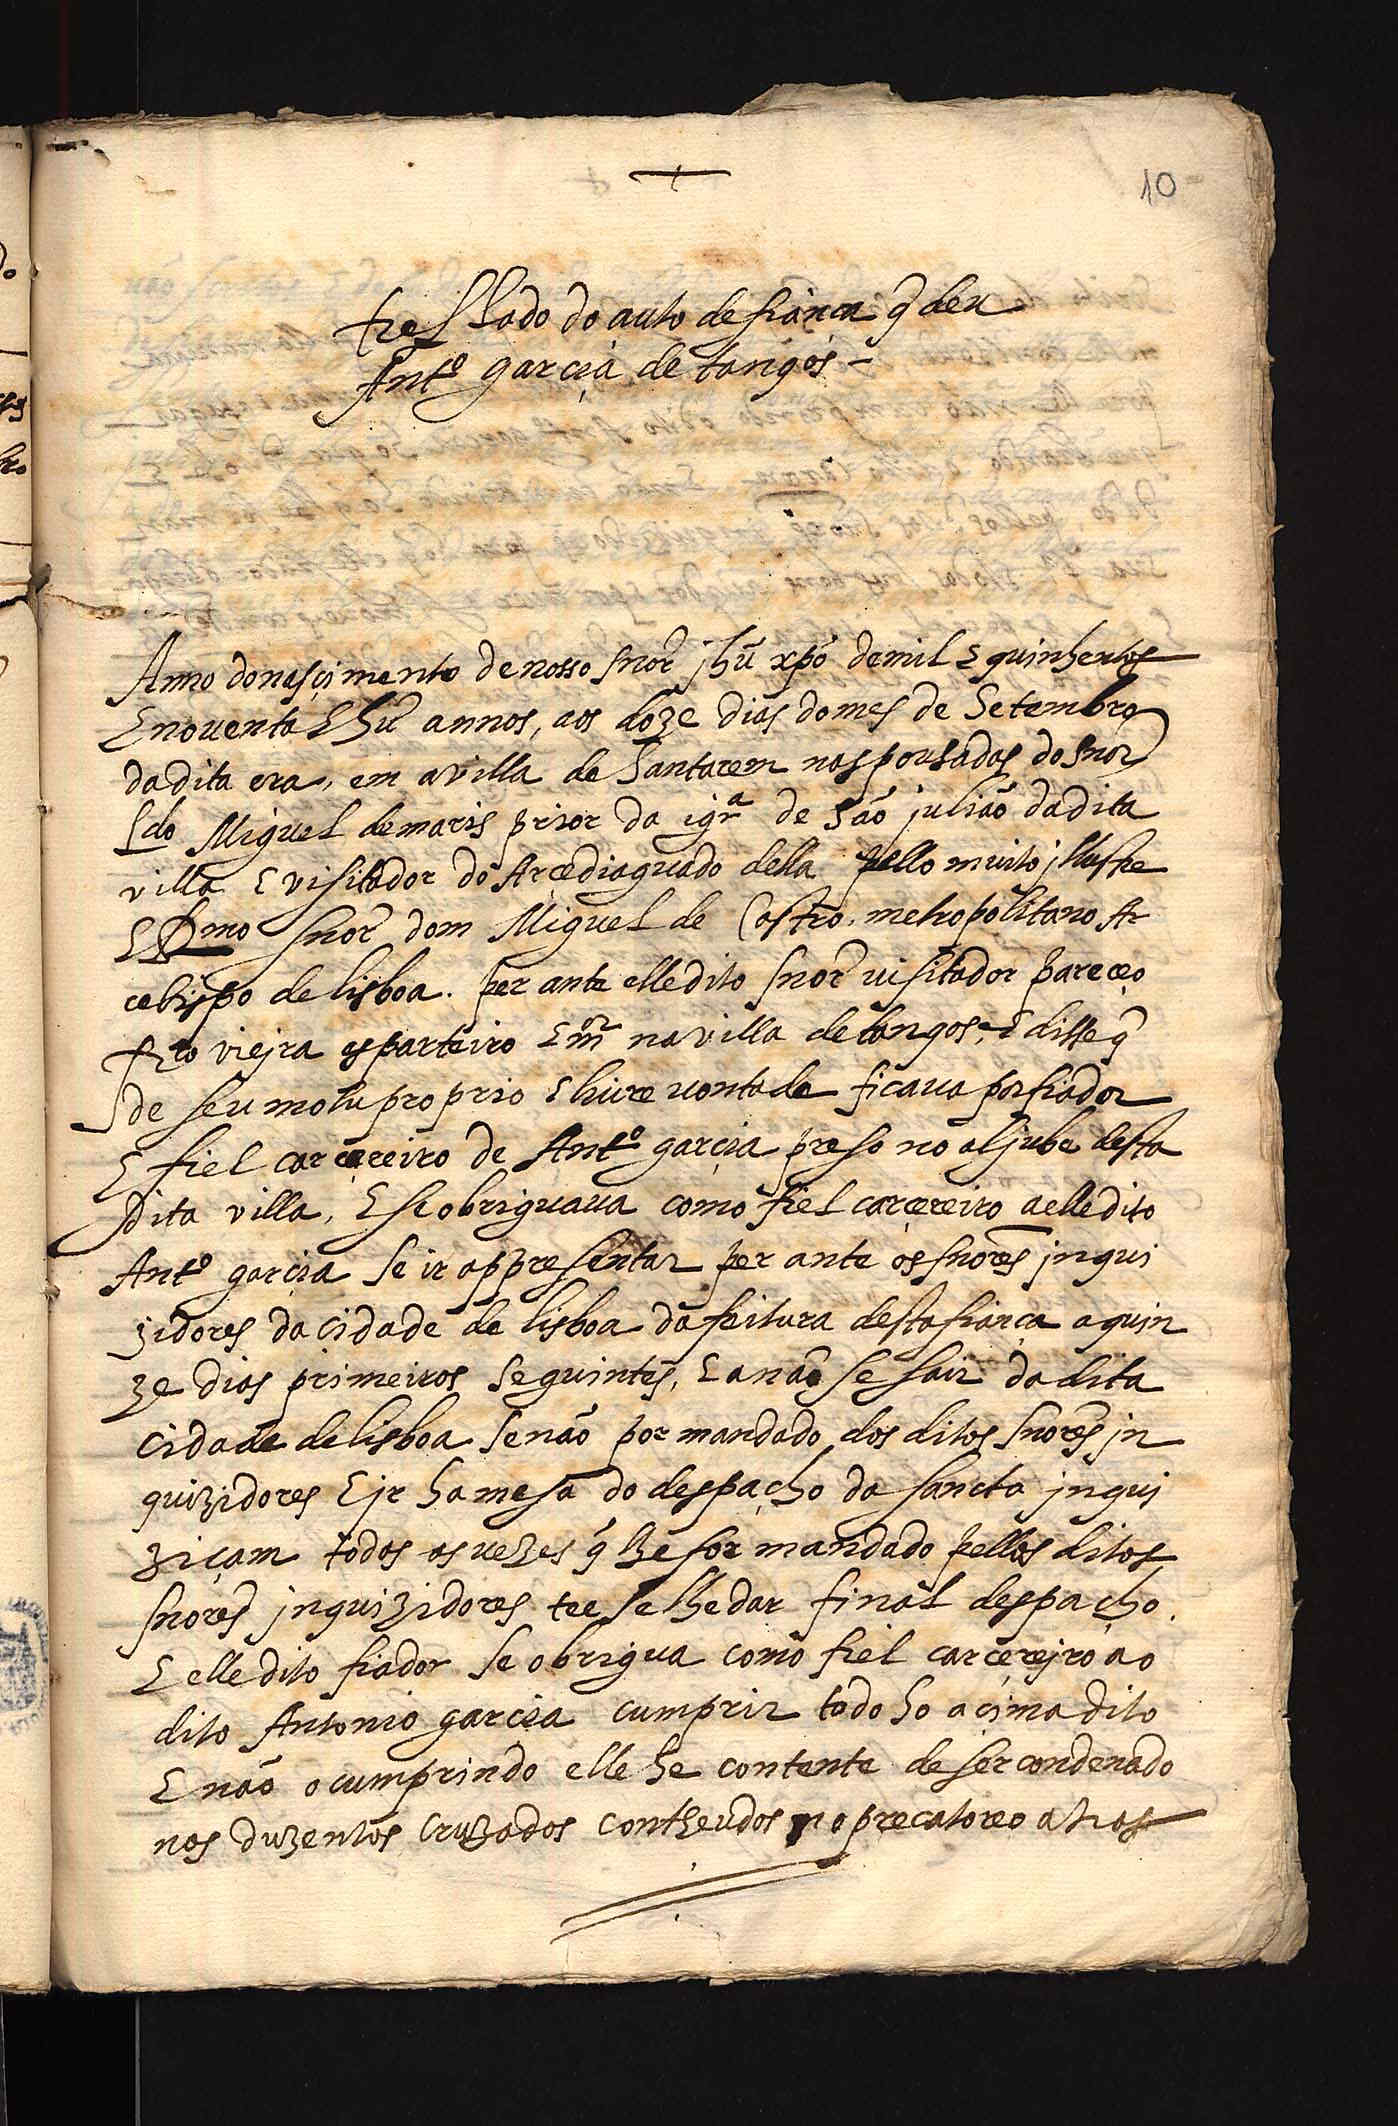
treslado do auto de fiança q̄ deu
Anto garçea de tanqos
Anno do nasçimento de nosso snor̄ jhū xpō de mil E quinhentos
E nouenta E hū annos, aos doze dias do mes de Setembro
da dita era, em a villa de Santarem nas pousadas do Snor̄
Ldo Miguel de maris prior da igra de Saõ juliaõ da dita
villa E visitador do Arçediaguado della pello muito jllustre
E Rmo Snor̄ dom Miguel de Castro metropolitano Ar
cebispo de lisboa. per ante elle dito snor̄ uisitador pareçeo
frco viejra esparteiro E mor na villa de tanqos; E disse q̄
de seu motu proprio E liure uontade ficaua por fiador
E fiel carçereiro de Anto garçia preso no aljube desta
dita villa, E se obriguaua como fiel carçereiro a elle dito
Anto garçia se ir appresentar perante os snor̄es jnqui
zidores da cidade de lisboa da feitura desta fiança a quin
ze dias primeiros seguintes, E a não se sair da dita
cidade de lisboa senão por mandado dos ditos Snorēs jn
quizidores E jr ha mesa do despacho da Sancta jnqui
ziçam todas as uezes q̄ lhe for mandado pellos ditos
snores̄ jnquizidores tee se lhe dar final despacho
E elle dito fiador se obrigua como fiel carçerejro ao
dito Antonio garçea cumprir todo ho acima dito
E não o cumprindo elle he contente de ser condenado
nos duzentos cruzados contheudos no precatoreo atras
